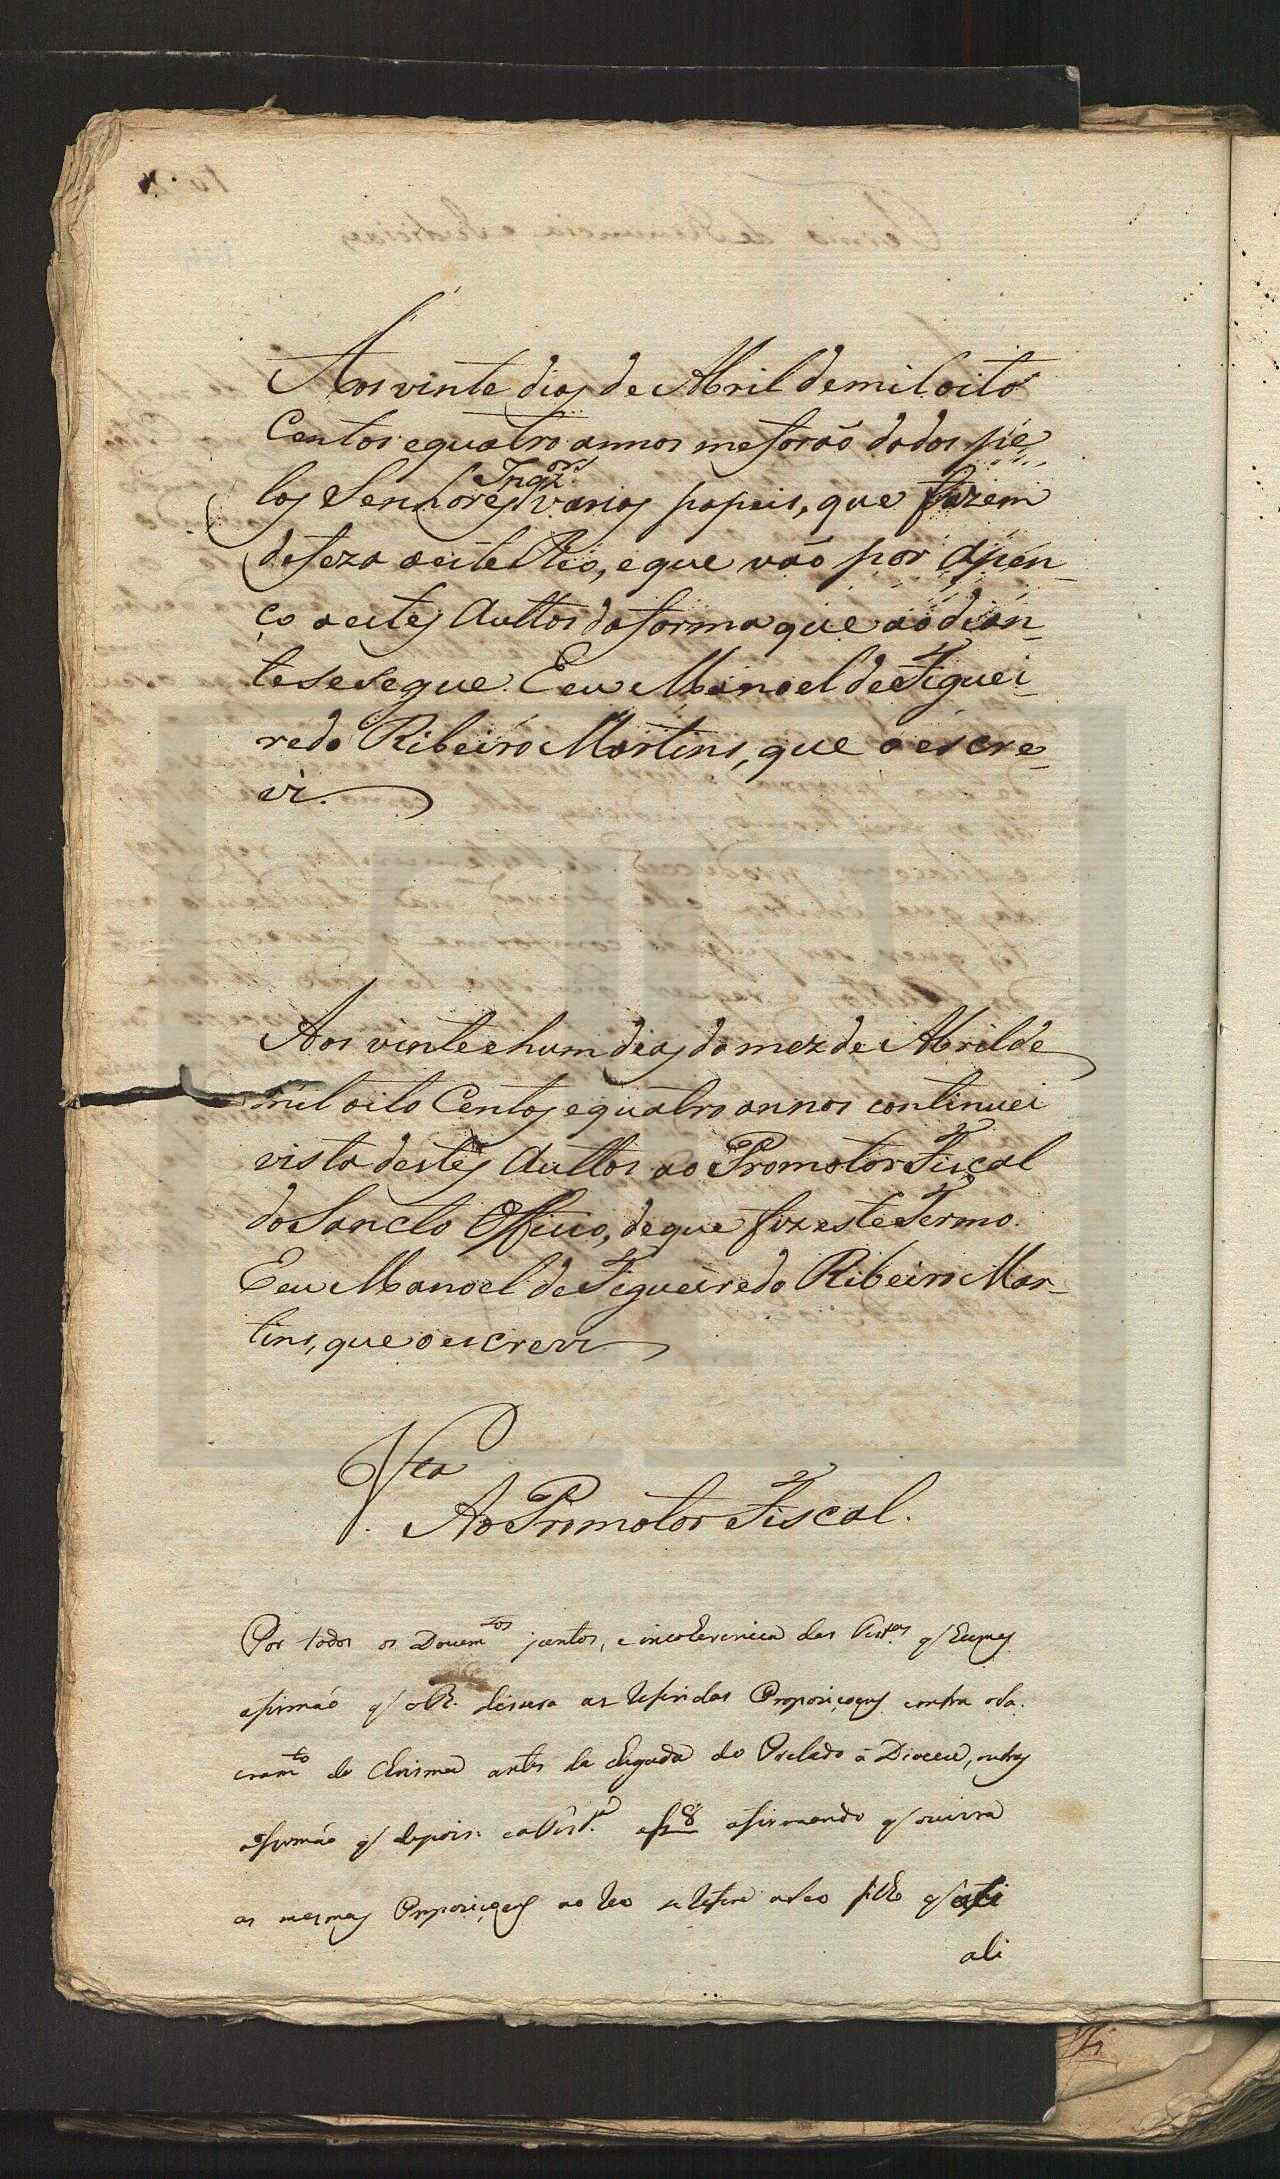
Aos vinte dias de Abril de mil oito
Centos e quatro annos me foraõ dados pé
Inqz.ors
los Senhores varios papeis, que fazem
defeza a este Reo, e que vaõ por apen
ço a estes Auttos da forma que aodian
te se segue. E eu Manoel de Figuei
redo Ribeiro Martins, que o escre
vi.
Aos vinte e hum dias do mez de Abril de
mil oitoCentos e quatro annos continuei
vista destes Auttos ao Promotor Fiscal
do Sancto Officio, de que fiz este Termo.
E eu Manoel de Figueiredo Ribeiro Mar
tins, que o escrevi
V.ta Ao Promotor Fiscal.
Por todos os Docum.os juntos, e incoherencia das Test.as q̄ humas
afirmaõ q̄ o R. dissera as Referidas Propoziçoens contra o Sa
cram.to do Chrisma antes da chegada do Prelado á Dioceze, outras
afirmaõ q̄ depois e a Test.a a f8 afirmando q̄ ouvira
as mesmas Propoziçoes ao Reo se Refere a seo filho q̄ ali
ali
